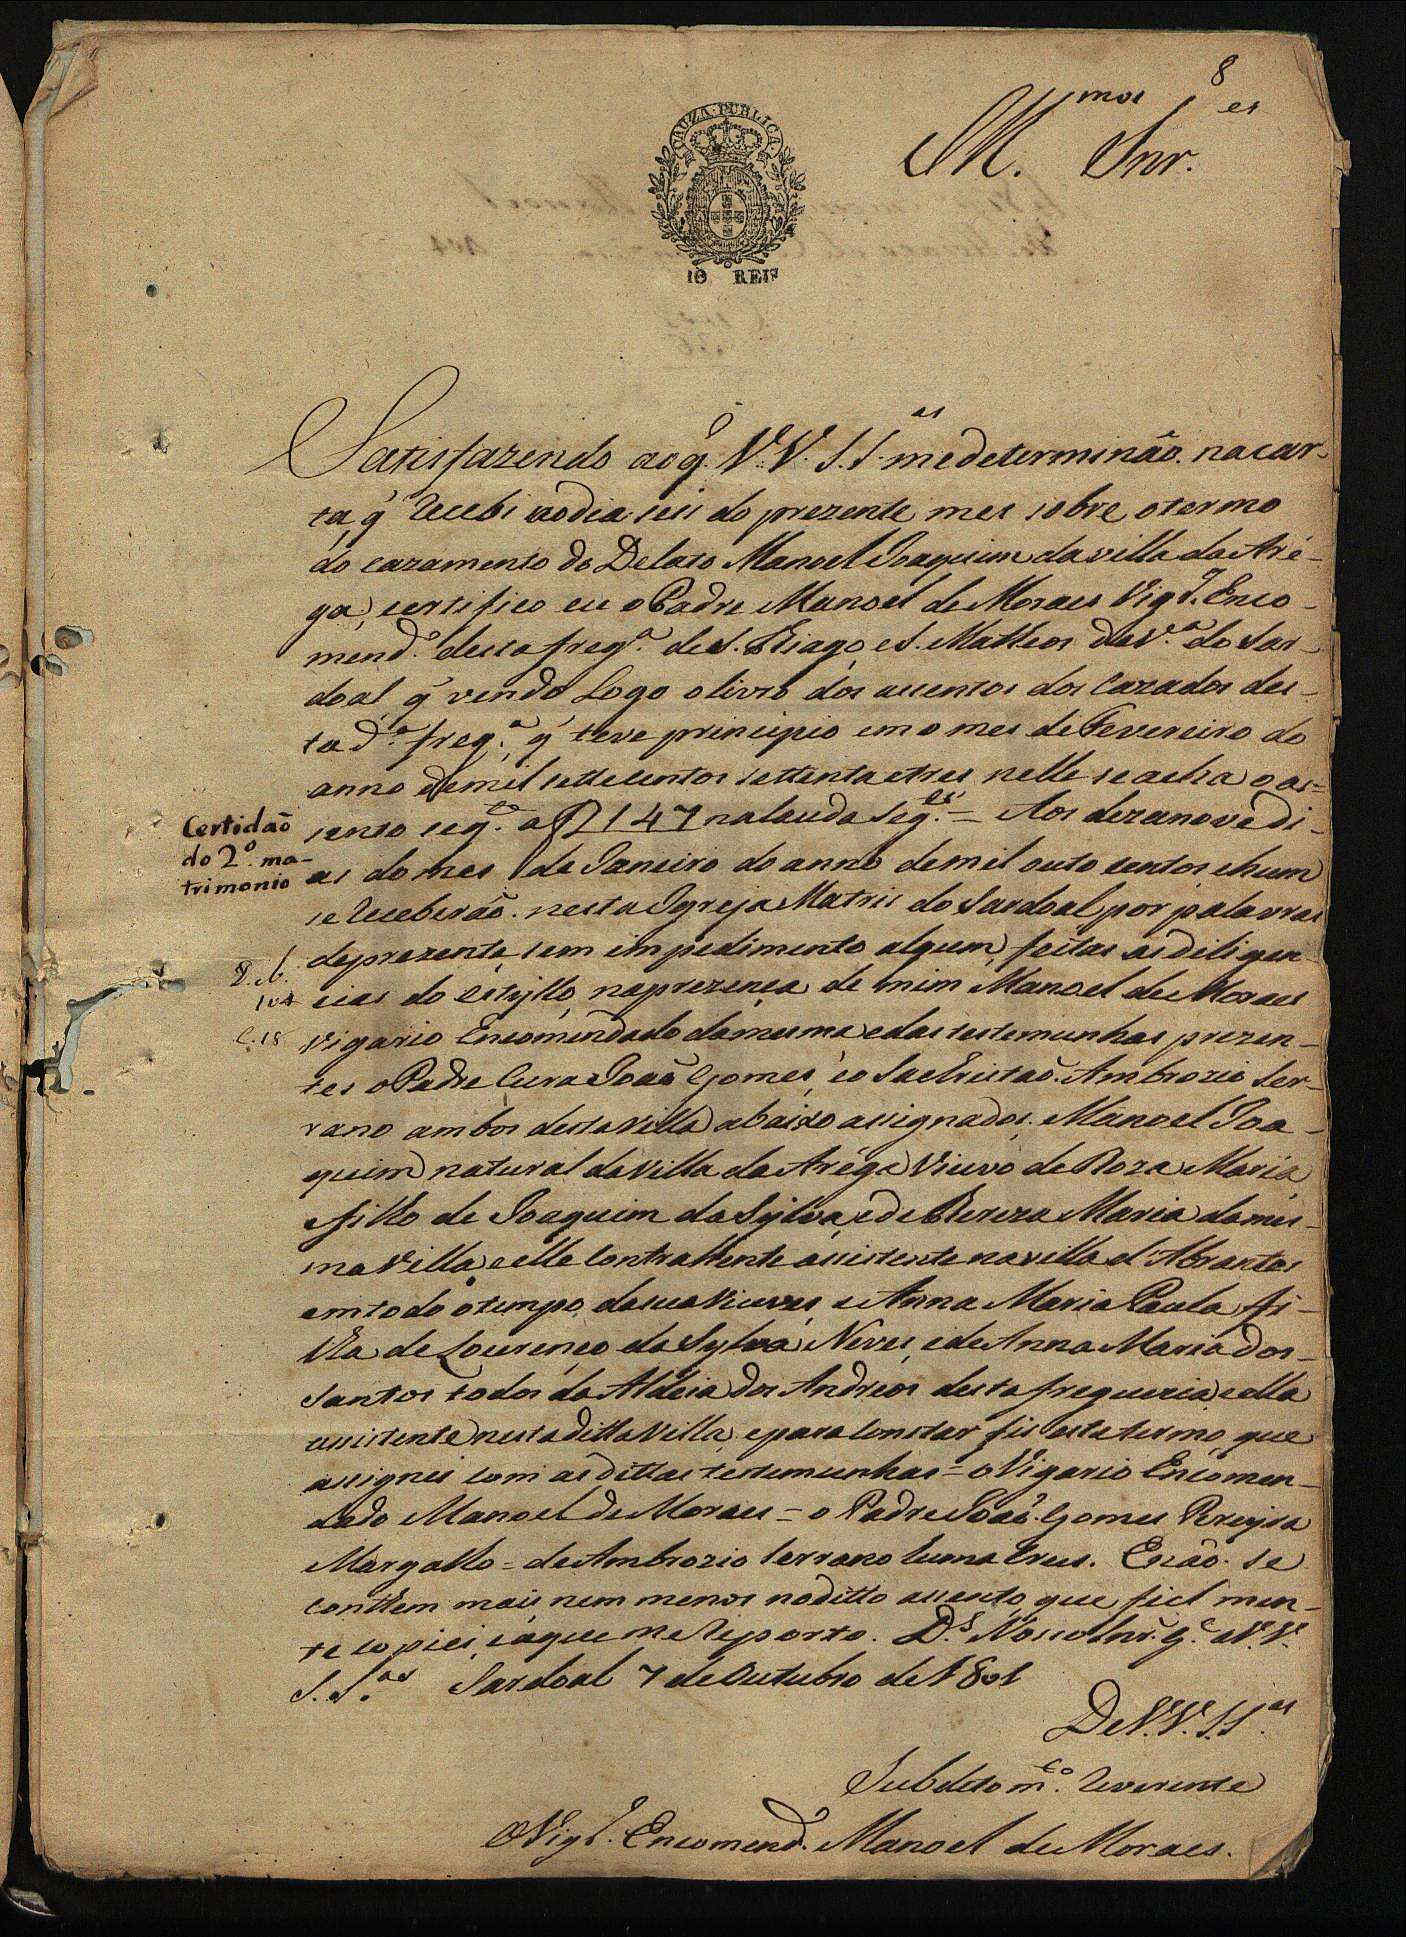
Satisfazendo ao q̄ V.V. S.S.as me determinaraõ na car
ta, q̄ Recebi ao dia seis do prezente mes sobre o termo
do cazamento do Delato Manoel Ioaquim da villa da Aré
ga, certifico eu o Padre Manoel de Moraes Vig.o Enco
mend.o desta freg.a de S. Thiago e S. Matheos da V.a do Sar
doal q̄ vendo Logo o livro dos assentos dos cazados des
ta d.a freg.a q̄ teve principio em o mes de Fevereiro do
anno d̄ mil settecentos settenta e tres nelle se acha o as
sento seg.te a fl 147 na lauda seg.te = Aos dezanove di
as do mes de Ianeiro do anno de mil outocentos e hum
se Receberaõ. nesta Igreja Matriz do Sardoal, por palavras
de presente, sem impedimento algum, feitas as diligen
cias do estyllo, na prezença de mim Manoel de Moraes
vigario Encomendado da mesma, e das testemunhas prezen
tes o Padre Cura Ioaõ gomes e o Sachristaõ Ambrozio Ser
rano ambos desta villa abaixo assignados; e Manoel Ioa
quim natural da villa de Aréga viuvo de Roza Maria,
e filho de Ioaquim da Sylva, e de Thereza Maria da mes
ma villa e elle contrahente e assistente na villa d'Abrantes
em todo o tempo da sua viuves, e Anna Maria Paula fi
lha de Lourenço da Sylva Neves, e de Anna Maria dos
Santos todos da Aldeia de Andreos desta freguezia e ella
assistente nesta ditta villa, e para constar fis este termo, que
assignei com as dittas testemunhas = o Vigario Encomen
dado Manoel de Moraes = o Padre Ioaõ gomes Pereyra
Margalho = de Ambrozio serrano huma crus. E naõ se
conthem mais, nem menos no ditto assento, que fielmen
te copiei, e a que me Riporto. D.s Nosso snr̄. g.e a V.V.
S.S.as Sardoal 7 de Outubro de 1801
De V.V.S.S.as
Subdito m.to Reverente
O Vigr.o Encomend.o Manoel de Moraes.
